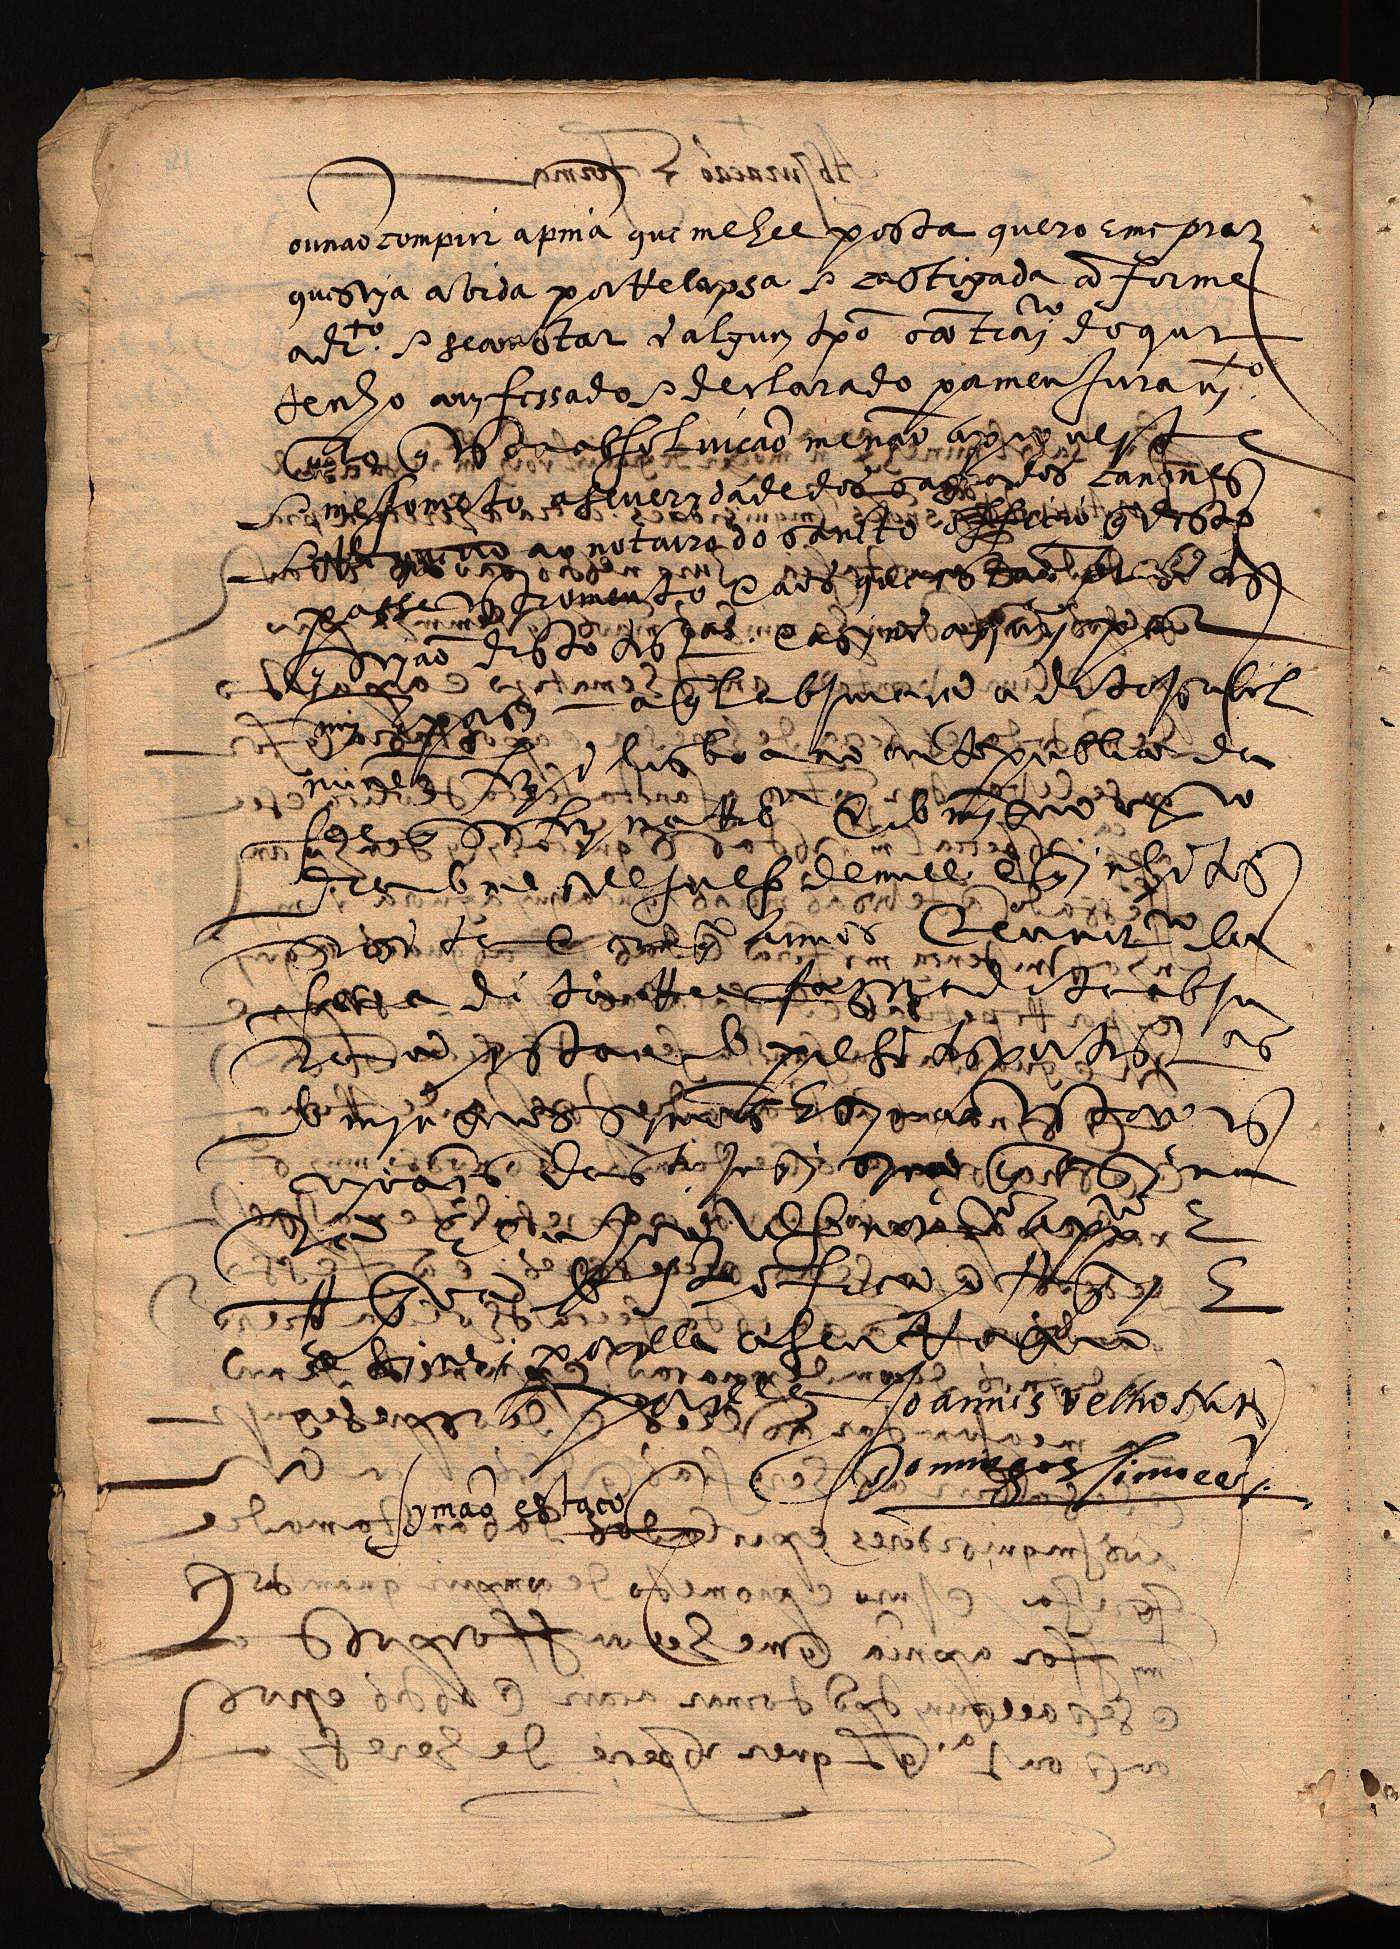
ou não comprir a pnīa que me hee posta quero E me praz
que seya avida por Relapsa e castigada cōforme
a drto. e se constar ē algum tpō o cōtrajro do que
tenho comfessado e declarado por meu Juramto.
q̄rp q̄ esta absoLuiçaõ me não aprouejte
e me someto a seuerydade dos sagrados canones
e Requeiro ao notairo do sancto offiçio q̄ disto
passe estromento e aos que estaõ pr_ētes
q̄ seyaõ disto testas. e asynē aquy por
mj̄ E por sj — a q̄L abjuraçā a dita JsabeL
nun̄ez frz ē lisboa no auto publico da
fee q̄ se fez na Ribra ē domj̄guo o pro
dia do mes de Julho de mill e q̄jnhētos
sesēta e cimqo annos E eu notro dou
fee a dita Ree fazer a dita abJu
racā estando presētes por testas
domjnguos sjmões E sjmaõ estaco es
crjvaẽs desta Jnq̄jsjçā q̄ asjna
rā E eu Joao Velho notro appco E
stp̄vā do Sto oficio o stp̄vj E
asjnej por ella a seu Roguo
por ella
